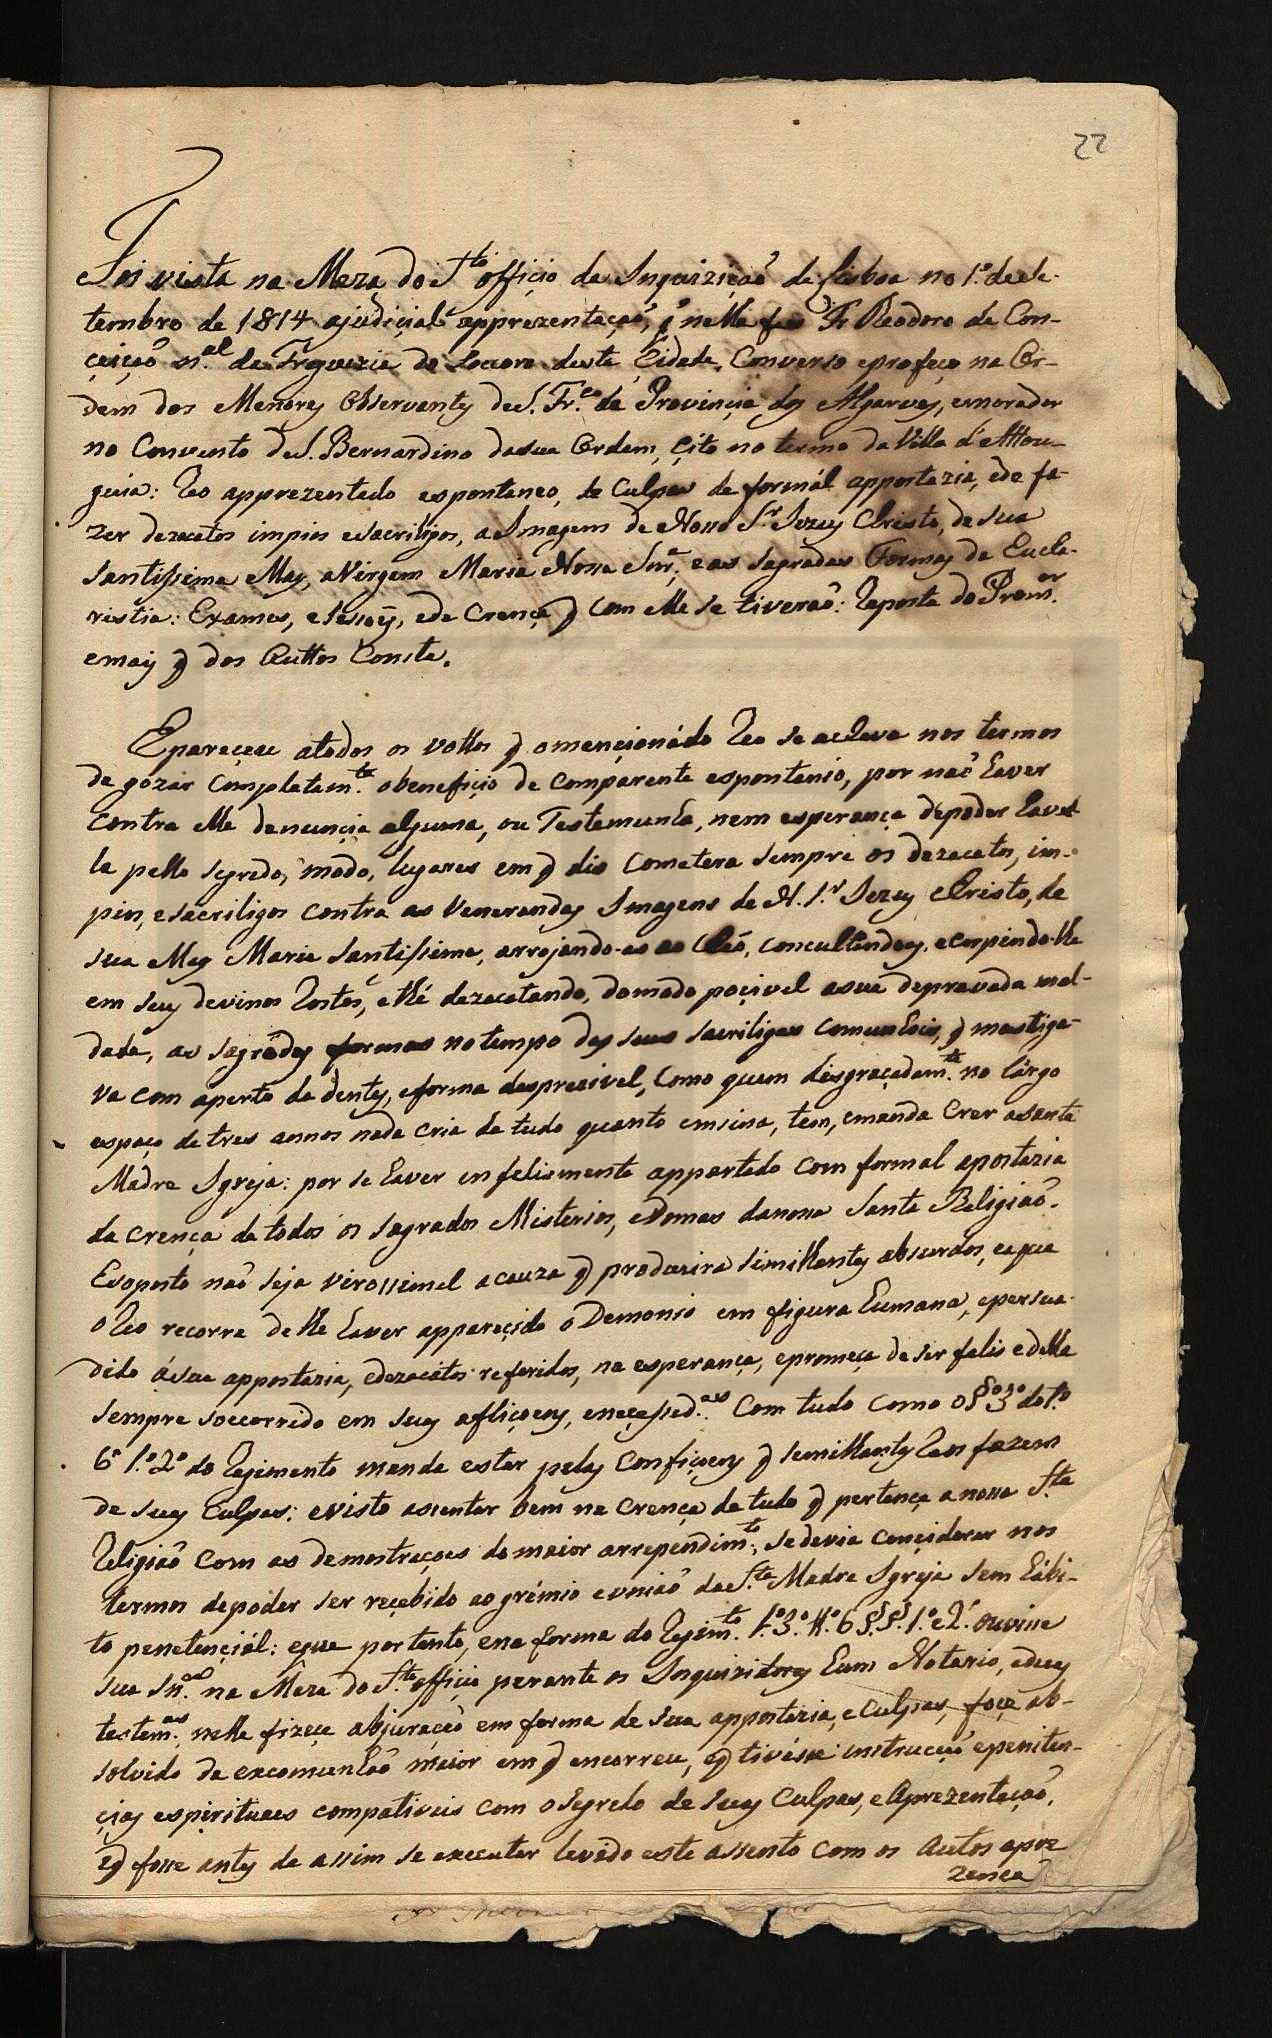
Foi vista na Meza do Sto officio da Inquiziçaõ de Lisboa no 1.o de Se
tembro de 1814 a judicial apprezentaçaõ, q̄ nella fes Fr Theodoro da Con
ceiçaõ n.al da Freguezia de soccoro desta Cidade, Converso e profeço na Or
dem dos Menores Observantes de S. Fr.co de Provincia dos Algarves, e morador
no Convento de S. Bernardino da sua Ordem, cito no termo da Villa d'Attou
guia: Reo apprezentado espontaneo, de culpa de formál appostazia, e de fa
zer dezacatos impios e sacriligos, a Imagem de Nosso S.r Iezus Christo, de sua
santissima May, a Virgem Maria Nossa Snr̄.a, e as sagradas Formas da Eucha
ristia: Exames, e sessoẽs, e de crença q̄ com elle se tiveraõ: Reposta do Prom.or
e mais q̄ dos Auttos Consta.
E pareceu a todos os vottos q̄ o mencionádo Reo se achava nos termos
de gozar completam.te o beneficio de comparente espontanio, por naõ haver
contra elle denuncia alguma, ou Testemunho, nem esperança de poder have
la pello segredo, modo, lugares em q̄ dis cometera sempre os dezacatos, im
pios, e sacriligos contra as venerandas Imagens de N. S.r Iezus christo, de
sua May Maria santissima, arrojando-as ao Chaõ, conculcandoas, e cospindo-lhe
em seus devinos Rostos, e thé dezecatando, do modo pocivel a sua depravada mal
dade, as sagradas formas no tempo das suas Sacriligas comunhois, q̄ mastiga
va com aperto de dentes, e forma despresivel, Como quem desgraçadam.te no largo
espaço de tres annos nada cria de tudo quanto emsina, tem, e manda Crer a santa
Madre Igreja: por se haver infelismente appartado com formal apostazia
da crença de todos os sagrados Misterios, e domas da nossa Santa Religiaõ.
E soposto naõ seja verossimel a cauza q̄ produzira similhantes absurdos, e a que
o Reo recorre de lhe haver apparecido o Demonio em figura humana, e persua
dido a sua appostasia, e dezacatos referidos, na esperança, e promeça de ser felis e delle
sempre soccorrido em suas afliçoens, e necessed.es Comtudo como o §o 3.o do t.o
6o 1.o 2.o do Regimento manda estar pelas confiçoens q̄ semilhantes Reos fazem
de suas culpas: e visto assentar bem na crença de tudo q̄ pertença a nossa S.ta
Religiaõ com as demostraçoes do maior arrependim.to; se devia conciderar nos
termos de poder ser recebido ao grémio e vniaõ da S.ta Madre Igreja sem habi
to penetencial: e que portanto, e na forma do Regim.to l.o 3.o tt.o 6 §.§. 1.o e 2.o ouvisse
sua sn.a na Meza do S.to officio perante os Inquizidores hum Notario, e duas
testem.as, nelle fizece abjuraçaõ em forma de sua appostazia, e culpas, foce ab
solvido da excomunhaõ maior em q̄ encorreu, e q̄ tivesse instrucçaõ e peniten
cias espirituaes compativeis com o segredo de suas culpas, e aprezentaçaõ,
e q̄ fosse antes de assim se executar levado este assento com os autos a pre
zença
